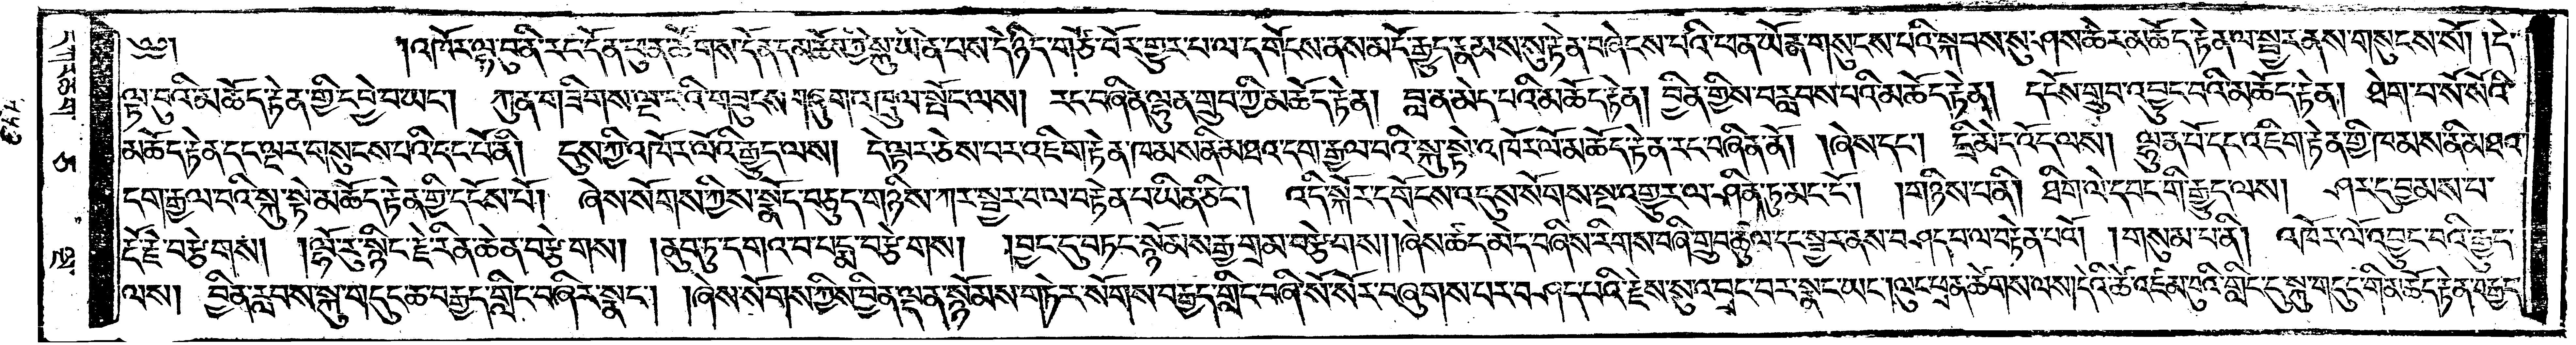༄༅། །འཁོར་ལྟ་བུ་ནི་རང་དོན་ཕུན་ཚོགས་དོན་དམ་ཆོས་ཀྱི་སྐུ་ཡིན་པས་དེ་ཉིད་གཙོ་བོར་གྱུར་པ་ལ་དགོངས་ནས་མདོ་རྒྱུད་རྣམས་སུ་རྟེན་བཞེངས་པའི་ཕན་ཡོན་གསུངས་པའི་སྐབས་སུ་ཤས་ཆེར་མཆོད་རྟེན་ལ་སྦྱར་ནས་གསུངས་སོ། །དེ་
ལྟ་བུའི་མཆོད་རྟེན་གྱི་དབྱེ་བ་ཡང་། ཀུན་གཟིགས་ལྔ་བའི་གཟུངས་གཞུག་འཁྲུལ་སྦོང་ལས། རང་བཞིན་ལྷུན་གྲུབ་ཀྱི་མཆོད་རྟེན། བླ་ན་མེད་པའི་མཆོད་རྟེན། བྱིན་གྱིས་བརླབས་པའི་མཆོད་རྟེན། དངོས་གྲུབ་འབྱུང་བའི་མཆོད་རྟེན། ཐེག་པ་སོ་སོའི་
མཆོད་རྟེན་དང་ལྔར་གསུངས་པའི་དང་པོ་ནི། དུས་ཀྱི་འཁོར་ལོའི་རྒྱུད་ལས། དེ་ལྟར་ཅེས་པར་འཇིག་རྟེན་ཁམས་ནི་མཐའ་དག་རྒྱལ་བའི་སྐུ་སྟེ་འཁོར་ལོ་མཆོད་རྟེན་རང་བཞིན་ནོ། །ཞེས་དང་། དྲི་མེད་འོད་ལས། ལྷུན་པོ་དང་འཇིག་རྟེན་གྱི་ཁམས་ནི་མཐའ་
ངག་རྒྱལ་བའི་སྐུ་སྟེ་མཆོད་རྟེན་གྱི་དངོས་པོ། ཞེས་སོགས་ཀྱིས་སྣོད་བཅུད་གཉིས་ཀར་སྦྱར་བལ་བརྟེན་པ་ཡིན་ཅིང་། འདི་སྐོར་དགོངས་འདུས་སོགས་སྔ་འགྱུར་ལ་ཤིན་ཏུ་མང་ངོ། །གཉིས་པ་ནི། ཐིག་ལེ་དབང་གི་རྒྱུད་ལས། ཤར་དུ་བྱམས་པ་
རྡོ་རྗེ་བརྩེགས། །ལྷོ་རུ་སྙིང་རྗེ་རིན་ཆེན་བརྩེགས། །ནུབ་ཏུ་དགའ་བ་པདམ་བརྩེགས། །བྱང་དུ་བཏང་སྙོམས་རྒྱ་གྲམ་བརྩེགས། །ཞེས་ཚད་མེད་བཞིས་རིགས་བཞི་གྲུབ་ཚུལ་དང་སྦྱར་ནས་བཤད་པ་ལ་བརྟེན་པའོ། །གསུམ་པ་ནི། འཁོར་ལོ་འབྱུང་བའི་རྒྱུད་
ལས། བྱིན་རླབས་སྐུ་གདུང་ཆ་བརྒྱད་གླིང་བཞིར་སྣང་། །ཞེས་སོགས་ཀྱིས་བྱིན་ལྡན་སྙོམས་གཏེར་སོགས་བརྒྱད་གླིང་བཞི་སོ་སོར་བཞུགས་པར་བཤད་པའི་རྗེས་སུ་འབྲང་བར་སྣང་ཡང་། ལུང་ཕྲན་ཚེགས་ལས། དེའི་ཚེ་འཛམ་བུའི་གླིང་དུ་སྐུ་གདུང་གི་མཆོད་རྟེན་བརྒྱད་